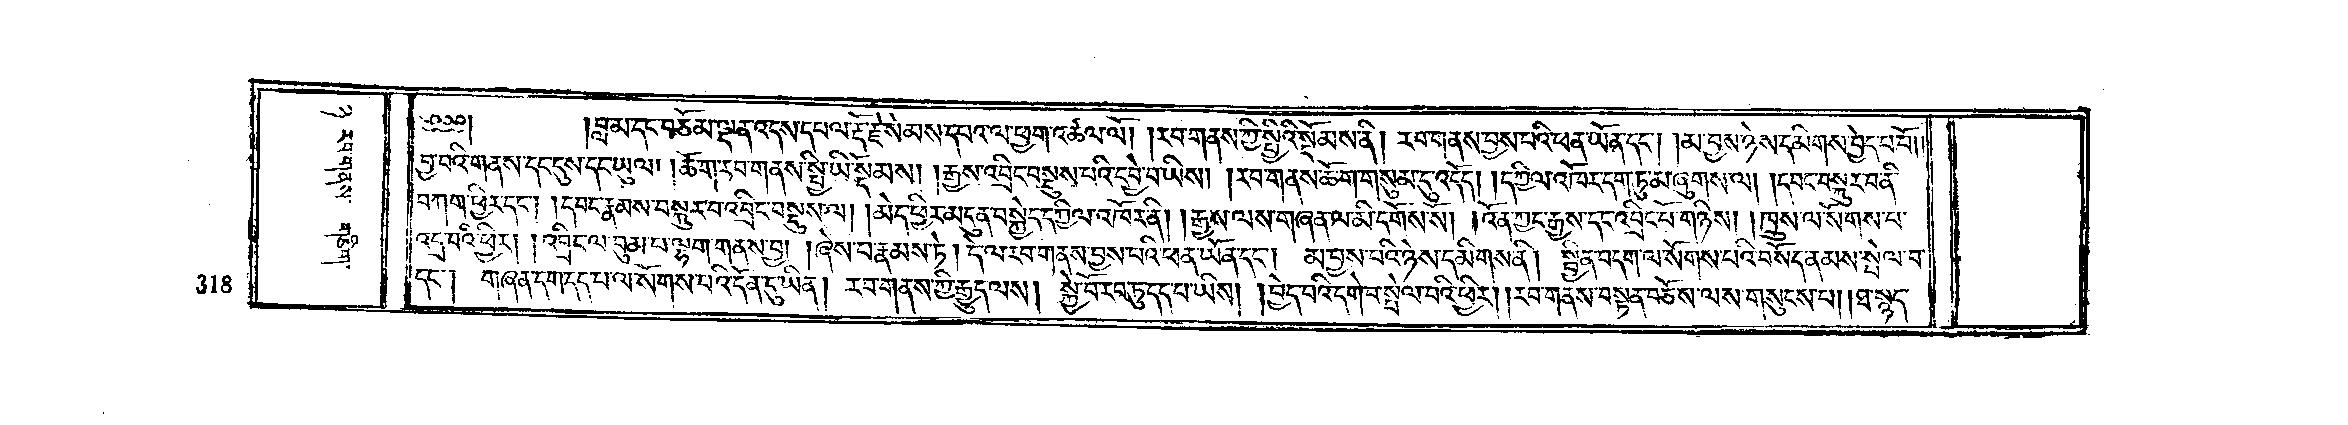༄༅༅། །བླ་མ་དང་བཅོམ་ལྡན་འདས་དཔལ་རྡོ་རྗེ་སེམས་དཔའ་ལ་ཕྱག་འཚལ་ལོ། །རབ་གནས་ཀྱི་སྤྱིའི་སྡོམས་ནི། རབ་གནས་བྱས་པའི་ཕན་ཡོན་དང་། །མ་བྱས་ཉེས་དམིགས་བྱེད་པ་པོ། །
བྱ་བའི་གནས་དང་དུས་དང་ཡུལ། །ཆོ་ག་རབ་གནས་སྤྱི་ཡི་སྡོམས། །རྒྱས་འབྲིང་བསྡུས་པའི་དབྱེ་བ་ཡིས། །རབ་གནས་ཆོ་ག་གསུམ་དུ་འདོད། །དཀྱིལ་འཁོར་དག་ཏུ་མ་ཞུགས་ལ། །དབང་བསྐུར་བ་ནི་
བཀག་ཕྱིར་དང་། །དབང་རྣམས་བསྐུར་བ་འབྲིང་བསྡུས་ལ། །མེད་ཕྱིར་མདུན་བསྐྱེད་དཀྱིལ་འཁོར་ནི། །རྒྱས་ལས་གཞན་ལ་མི་དགོས་སོ། །འོན་ཀྱང་རྒྱས་དང་འབྲིང་པོ་གཉིས། །ཁྲུས་ལ་སོགས་པ་
འདྲ་བའི་ཕྱིར། །འབྲིང་ལ་བུམ་པ་ལྷག་གནས་བྱ། །ཞེས་པ་རྣམས་ཏེ། དེ་ལ་རབ་གནས་བྱས་པའི་ཕན་ཡོན་དང་། མ་བྱས་པའི་ཉེས་དམིགས་ནི། སྦྱིན་བདག་ལ་སོགས་པའི་བསོད་ནམས་སྤེལ་བ་
དང་། གཞན་དག་དད་པ་ལ་སོགས་པའི་དོན་དུ་ཡིན། རབ་གནས་ཀྱི་རྒྱུད་ལས། སྐྱེ་བོ་རབ་ཏུ་དད་པ་ཡིས། །བྱེད་པའི་དགེ་བ་སྤེལ་བའི་ཕྱིར། །རབ་གནས་བསྟན་བཅོས་ལས་གསུངས་པ། །ཐ་སྙད་